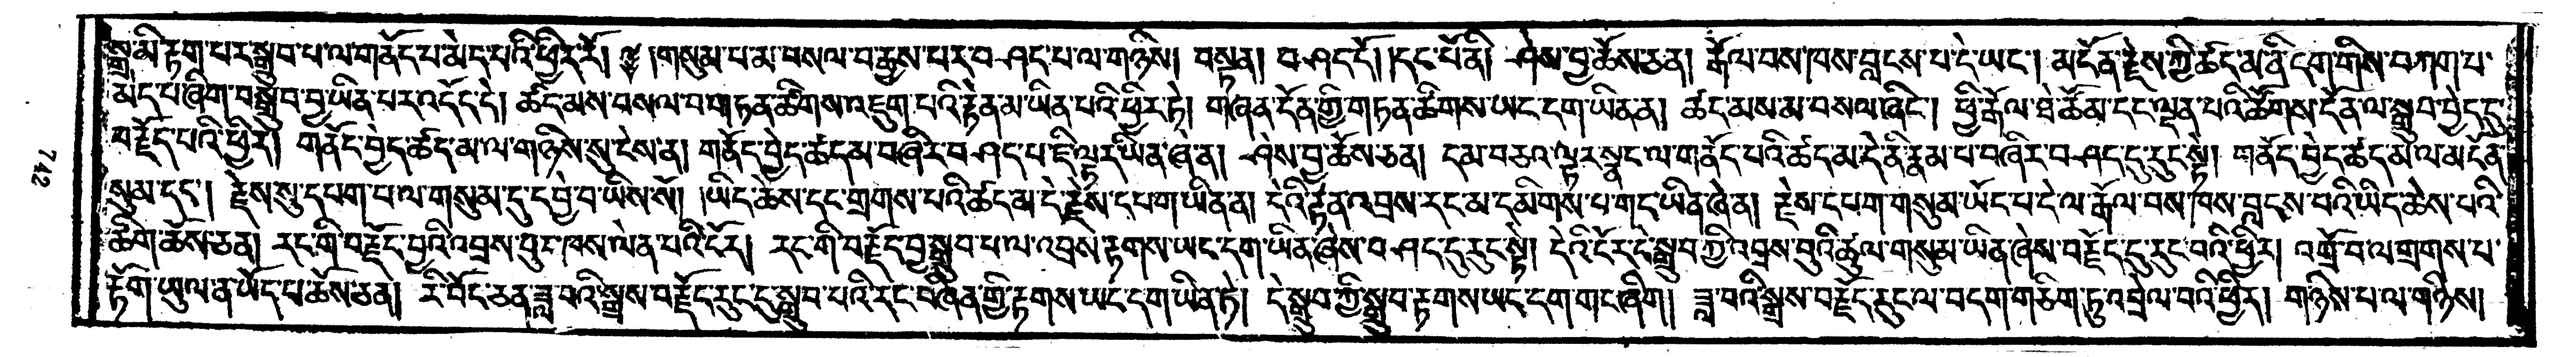སྒྲ་མི་རྟག་པར་སྒྲུབ་པ་ལ་གནོད་པ་མེད་པའི་ཕྱིར་རོ། ༈ །གསུམ་པ་མ་བསལ་བ་རྒྱས་པར་བཤད་པ་ལ་གཉིས། བསྟན། བཤད་དོ། །དང་པོ་ནི། ཤེས་བྱ་ཆོས་ཅན། རྒོལ་བས་ཁས་བླངས་པ་དེ་ཡང་། མངོན་རྗེས་ཀྱི་ཚད་མ་ནི་དག་གིས་བཀག་པ་
མེད་པ་ཞིག་བསྒྲུབ་བྱ་ཡིན་པར་འདོད་དེ། ཚད་མས་བསལ་བ་གཏན་ཚིགས་འཇུག་པའི་རྟེན་མ་ཡིན་པའི་ཕྱིར་ཏེ། གཞན་དོན་གྱི་གཏན་ཚིགས་ཡང་དག་ཡིན་ན། ཚད་མས་མ་བསལ་ཞིང་། ཕྱི་རྒོལ་ཐེ་ཚོམ་དང་ལྡན་པའི་ཚོགས་དོན་ལ་སྒྲུབ་བྱེད་དུ་
བརྗོད་པའི་ཕྱིར། གནོད་བྱེད་ཚད་མ་ལ་གཉིས་སུ་ངེས་ན། གནོད་བྱེད་ཚད་མ་བཞིར་བཤད་པ་ཇི་ལྟར་ཡིན་ཞེ་ན། ཤེས་བྱ་ཆོས་ཅན། དམ་བཅའ་ལྟར་སྣང་ལ་གནོད་པའི་ཚད་མ་དེ་ནི་རྣམ་པ་བཞིར་བཤད་དུ་རུང་སྟེ། གནོད་བྱེད་ཚད་མ་ལ་མངོན་
སུམ་དང་། རྗེས་སུ་དཔག་པ་ལ་གསུམ་དུ་དབྱེ་བ་ཡིས་སོ། །ཡིད་ཆེས་དང་གྲགས་པའི་ཚད་མ་དེ་རྗེས་དཔག་ཡིན་ན། དེའི་རྟེན་འབྲས་རང་མ་དམིགས་པ་གང་ཡིན་ཞེ་ན། རྗེས་དཔག་གསུམ་ཡོད་པ་དེ་ལ་རྒོལ་བས་ཁས་བླངས་པའི་ཡིད་ཆེས་པའི་
ཚིག་ཆོས་ཅན། རང་གི་བརྗོད་བྱའི་འབྲས་བུར་ཁས་ལེན་པའི་ངོར། རང་གི་བརྗོད་བྱ་སྒྲུབ་པ་ལ་འབྲས་རྟགས་ཡང་དག་ཡིན་ཞེས་བཤད་དུ་རུང་སྟེ། དེའི་ངོར་དེ་སྒྲུབ་ཀྱི་འབྲས་བུའི་ཚུལ་གསུམ་ཡིན་ཞེས་བརྗོད་དུ་རུང་བའི་ཕྱིར། འགྲོ་བ་ལ་གྲགས་པ་
རྟོག་ཡུལ་ན་ཡོད་པ་ཆོས་ཅན། རི་བོང་ཅན་ཟླ་བའི་སྒྲས་བརྗོད་རུང་དུ་སྒྲུབ་པའི་རང་བཞིན་གྱི་རྟགས་ཡང་དག་ཡིན་ཏེ། དེ་སྒྲུབ་ཀྱི་སྒྲུབ་རྟགས་ཡང་དག་གང་ཞིག། ཟླ་བའི་སྒྲས་བརྗོད་རུང་ལ་བདག་གཅིག་ཏུ་འབྲེལ་བའི་ཕྱིར། གཉིས་པ་ལ་གཉིས།